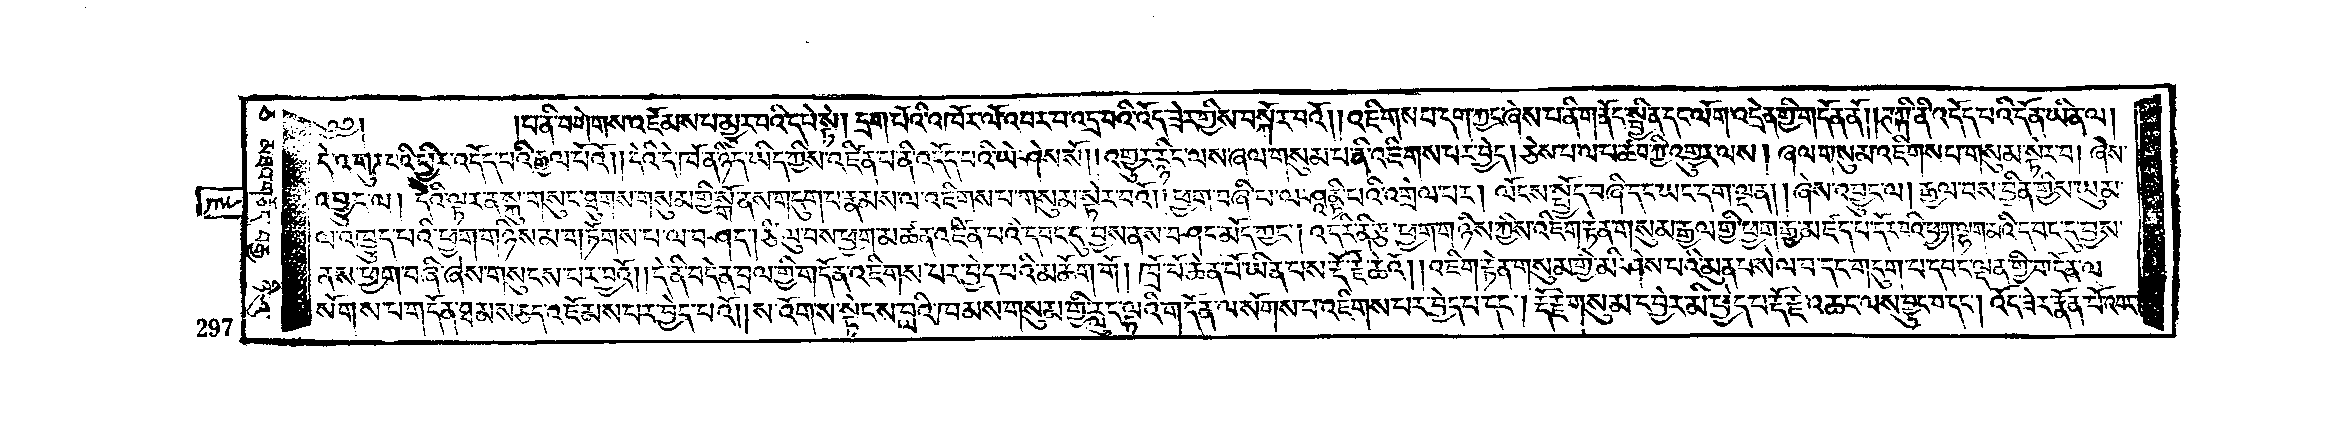༄༅། །པ་ནི་བགེགས་འཇོམས་པ་མྱུར་བའི་དཔེ་སྟེ། དྲག་པོའི་འཁོར་ལོ་འབར་བ་འདྲ་བའི་འོད་ཟེར་གྱིས་བསྐོར་བའོ། །འཇིགས་པ་དག་ཀྱང་ཞེས་པ་ནི་གནོད་སྦྱིན་དང་ལོག་འདྲེན་གྱི་གདོན་ནོ། །ཊིཀྐ་ནི་འདོད་པའི་དོན་ཡིན་ལ།
དེ་འགུགས་པའི་ཕྱིར་འདོད་པའི་རྒྱལ་པོའོ། །དེའི་དེ་ཁོ་ན་ཉིད་ཡིད་ཀྱིས་འཛིན་པ་ནི་འདོད་པའི་ཡེ་ཤེས་སོ། །འགྱུར་རྙིང་ལས་ཞལ་གསུམ་པ་ནི་འཇིགས་པར་བྱེད། ཅེས་པ་ལ་པ་ཚབ་ཀྱི་འགྱུར་ལས། ཞལ་གསུམ་འཇིགས་པ་གསུམ་སྟེར་བ། ཞེས་
འབྱུང་ལ། དེའི་ལྟར་ན་སྐུ་གསུང་ཐུགས་གསུམ་གྱི་སྒོ་ནས་གདུག་པ་རྣམས་ལ་འཇིགས་པ་གསུམ་སྟེར་བའོ། །ཕྱག་བཞི་པ་ལ་ཤཱནྟི་པའི་འགྲེལ་པར། ལོངས་སྤྱོད་བཞི་དང་ཡང་དག་ལྡན། །ཞེས་འབྱུང་ལ། རྒྱལ་བས་བྱིན་གྱིས་ཡུམ་
ལ་འཁྱུད་པའི་ཕྱག་གཉིས་མ་གཏོགས་པ་ལ་བཤད། ཙི་ལུ་བས་ཕྱག་མཚན་འཛིན་པའི་དབང་དུ་བྱས་ནས་བཤད་མོད་ཀྱང་། འདིར་ནི་རྩ་ཕྱག་གཉིས་ཀྱིས་འཇིག་རྟེན་གསུམ་རྒྱལ་གྱི་ཕྱག་རྒྱ་མཛད་པ་དོར་བའི་ཕྱག་ལྷག་མའི་དབང་དུ་བྱས་
ནས་ཕྱག་བཞི་ཞེས་གསུངས་པར་བྱའོ། །དེ་ནི་བདེན་བྲལ་གྱི་གདོན་འཇིགས་པར་བྱེད་པའི་མཆོག་གོ །ཁྲོ་བོ་ཆེན་པོ་ཡིན་པས་རྡོ་རྗེ་ཆེའོ། །འཇིག་རྟེན་གསུམ་གྱི་མི་ཤེས་པའི་མུན་པ་སེལ་བ་དང་གདུག་པ་དབང་ལྡན་གྱི་གདོན་ལ་
སོགས་པ་གདོན་ཐམས་ཅད་འཇོམས་པར་བྱེད་པའོ། །ས་འོག་ས་སྟེང་ས་བླའི་ཁམས་གསུམ་གྱི་རླུང་ལྷའི་གདོན་ལ་སོགས་པ་འཇིགས་པར་བྱེད་པ་དང་། རྡོ་རྗེ་གསུམ་དབྱེར་མི་ཕྱེད་པ་རྡོ་རྗེ་འཆང་ལས་བྱུང་བ་དང་། འོད་ཟེར་རྣོན་པོ་འབར་